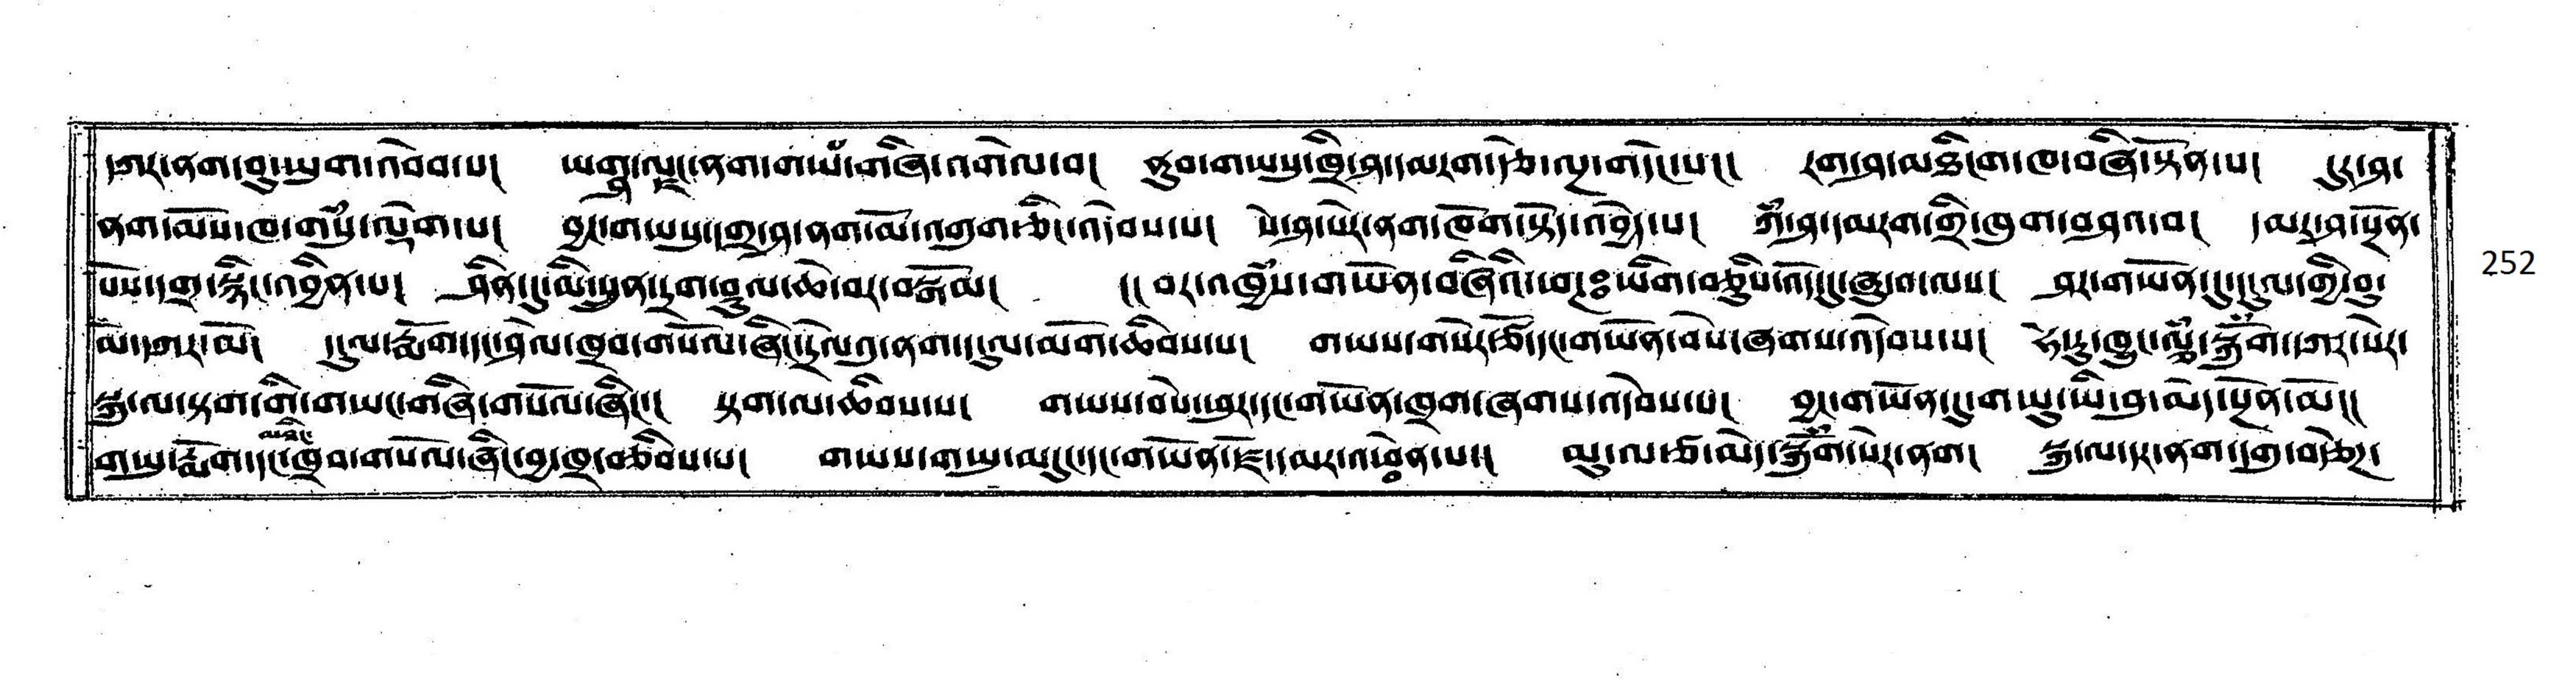དཀར་ནག་བུ་ཡུག་འབེབ་པ། ཡགྴ་ལྗང་ནག་གཡང་གཞི་འགེལ་བ། ནུབ་གཡས་སུ་ཁྲི་ཤ་དམར་ནག་རྩེ་ལྔ་གདེང་པ།། རག་ཤ་མཐིང་ནག་ཁ་བཞི་སྟོན་པ། དུར་ཤ་
ནག་མོས་ཁ་གསུམ་ལྡེག་པ། བྱང་གཡས་སུ་དགྲ་ཤ་ནག་མོ་འགུག་ཅིང་འདེབས་པ། སེ་ཤ་སེར་ནག་ཁོག་སྟོད་འབྱེད་པ། ཀཾ་ཤ་དམར་ནག་གྲི་ཁུག་བཤའ་བ། དམར་ཤ་སྔོན་
པོས་དགྲ་སྙིང་འབྱིན་པ། ཤིན་དུ་མི་སྲུན་དྲག་ཤུལ་ཆེ་བར་བསྒོམ། །།བར་འཁྱམས་གཡོན་བཞིའི་ཕཊཿཡིག་བཅུ་གཉིས་འོད་དུ་ཞུ་བ་ལས། ཤར་གཡོན་དུ་དངུལ་གྱི་བུ་
མ་དཀར་མོ། དངུལ་རྨོག་དང་ཤེལ་ཁྲབ་གསོལ་ཞིང་དྲེལ་དུ་ནག་དངུལ་མགོ་ཆིབས་པ། གཡས་གསེར་ཙོ་དང་གཡོན་བསེ་ཞགས་འདེབས་པ། ཧེ་རུ་ཁྱུང་ལྕམ་སྐུ་མདོག་དཀར་སེར་
སྐུ་ལ་སྟག་གི་གཡང་གཞི་གསོལ་ཞིང་། སྟག་ལ་ཆིབས་པ་གཡས་བསེ་ཕུར་དང་གཡོན་ཁྲག་ཞགས་འདེབས་པ། བྱང་གཡོན་དུ་གཡུ་ཡི་བུད་མེད་སྔོན་མོ།། 
གཡུ་རྨོག་དང་མཐིང་ཁྲབ་གསོལ་ཞིང་བྱ་ཁྲ་བཅིབས་པ། གཡས་གཡུ་མདུང་དང་གཡོན་ཛོ་དམར་འཕེན་པ། མུ་ལ་ཙ་མེད་སྐུ་མདོག་སེར་ནག སྐུ་ལ་དར་ནག་དགུ་བརྩེགས་